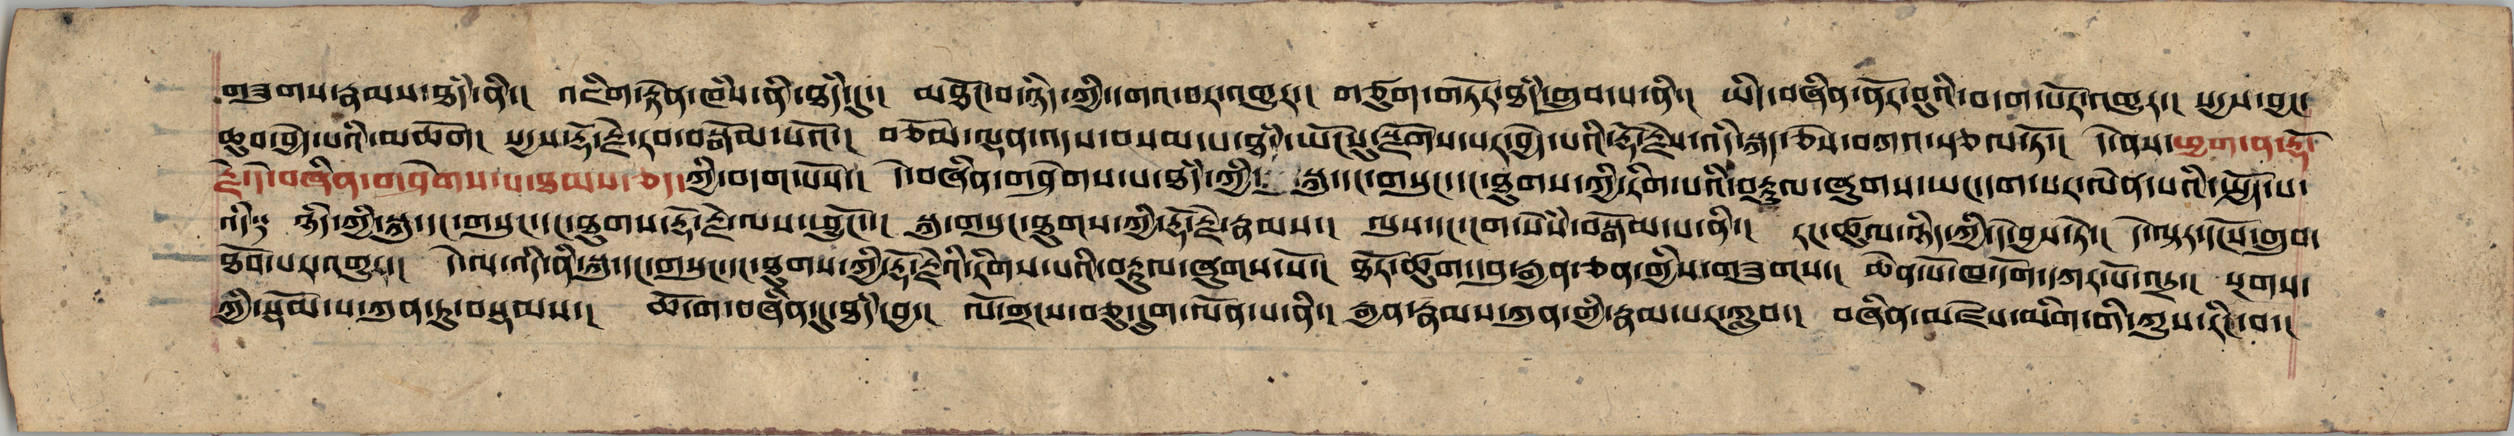གཟུགས་རྣམས་ཐདཾ་ནི་། འཇིག་རྟེན་ཁཾས་ནི་ཐདཾ་དུ་། མཐོང་བ་ཉིད་ཀྱི་དགའ་བར་འགྱུར་། གཙུག་གཏོར་ཐདཾ་གྲུབ་པ་ནི་། ཡིད་བཞིན་ནོར་བུའི་བདག་པོར་འགྱུར་། སདྱས་བྱང་
ཆུབ་བྱེད་པའི་མཆོག། སདྱས་རྡོ་རྗེ་རབ་བསྒོམ་པའོ་། བཅོམ་ལྡན་འདས་བསམ་པ་ཐདཾ་ཡོངསུ་སྫོགས་པར་བྱེད་པའི་རྡོ་རྗེས་འདི་སྐད་ཅེས་བཀའ་སྩལ་ཏོ་། དེ་ནས་ཕྱག་ན་རྡོ་
རྗེ་དེ་བཞིན་གཤེགས་པ་ཐམས་ཅད་ཀྱི་བདག་པོས་། དེ་བཞིན་གཤེགས་པ་ཐདཾ་ཀྱི་ སྐུ་དང་གསུང་དང་ཐུགས་ཀྱི་རིག་པའི་བརྟུལ་ཞུགས་ཡང་དག་པར་ལེན་པའི་སྤྱོད་པ་
འདི༑ ཉིད་ཀྱི་སྐུ་དང་གསུང་དང་ཐུགས་རྡོ་རྗེ་ལས་ཕྱུངོ་་། སྐུ་གསུང་ཐུགས་ཀྱི་རྡོ་རྗེ་རྣམས་། ལུས་དང་ངག་སེཾས་བསྒོམ་པ་ནི་། རང་ཚུལ་ཉིད་ཀྱི་དེ་བྱས་ཏེ་། དེ་ལྟར་དངོས་གྲུབ་
ཐོབ་པར་འགྱུར་། དེ་ལ་འདི་ནི་སྐུ་དང་གསུང་དང་ཐུགས་ཀྱི་རྡོ་རྗེའི་རིགས་པའི་བརྟུལ་ཞུགས་སོ་། ཐོར་ཚུག་དབུ་རྒྱན་ཅན་གྱིས་གཟུགས་། ཆེན་པོ་ཁ་དོག་དཀར་པོ་འདྲ་། སྔགས་
ཀྱི་སྡོམ་པ་ཀུན་ཏུ་བསྡམས་། ཆོ་ག་བཞིན་དུ་ཐདཾ་བྱ་། ལོ་གྲངས་བཅུ་དྲུག་ལོན་པ་ནི་། རྒྱན་རྣམས་ཀུན་གྱི་རྣམ་པར་ཀླུབ་། བཞིན་མཛེས་མིག་གི་ཀྱུས་རིང་བ་།